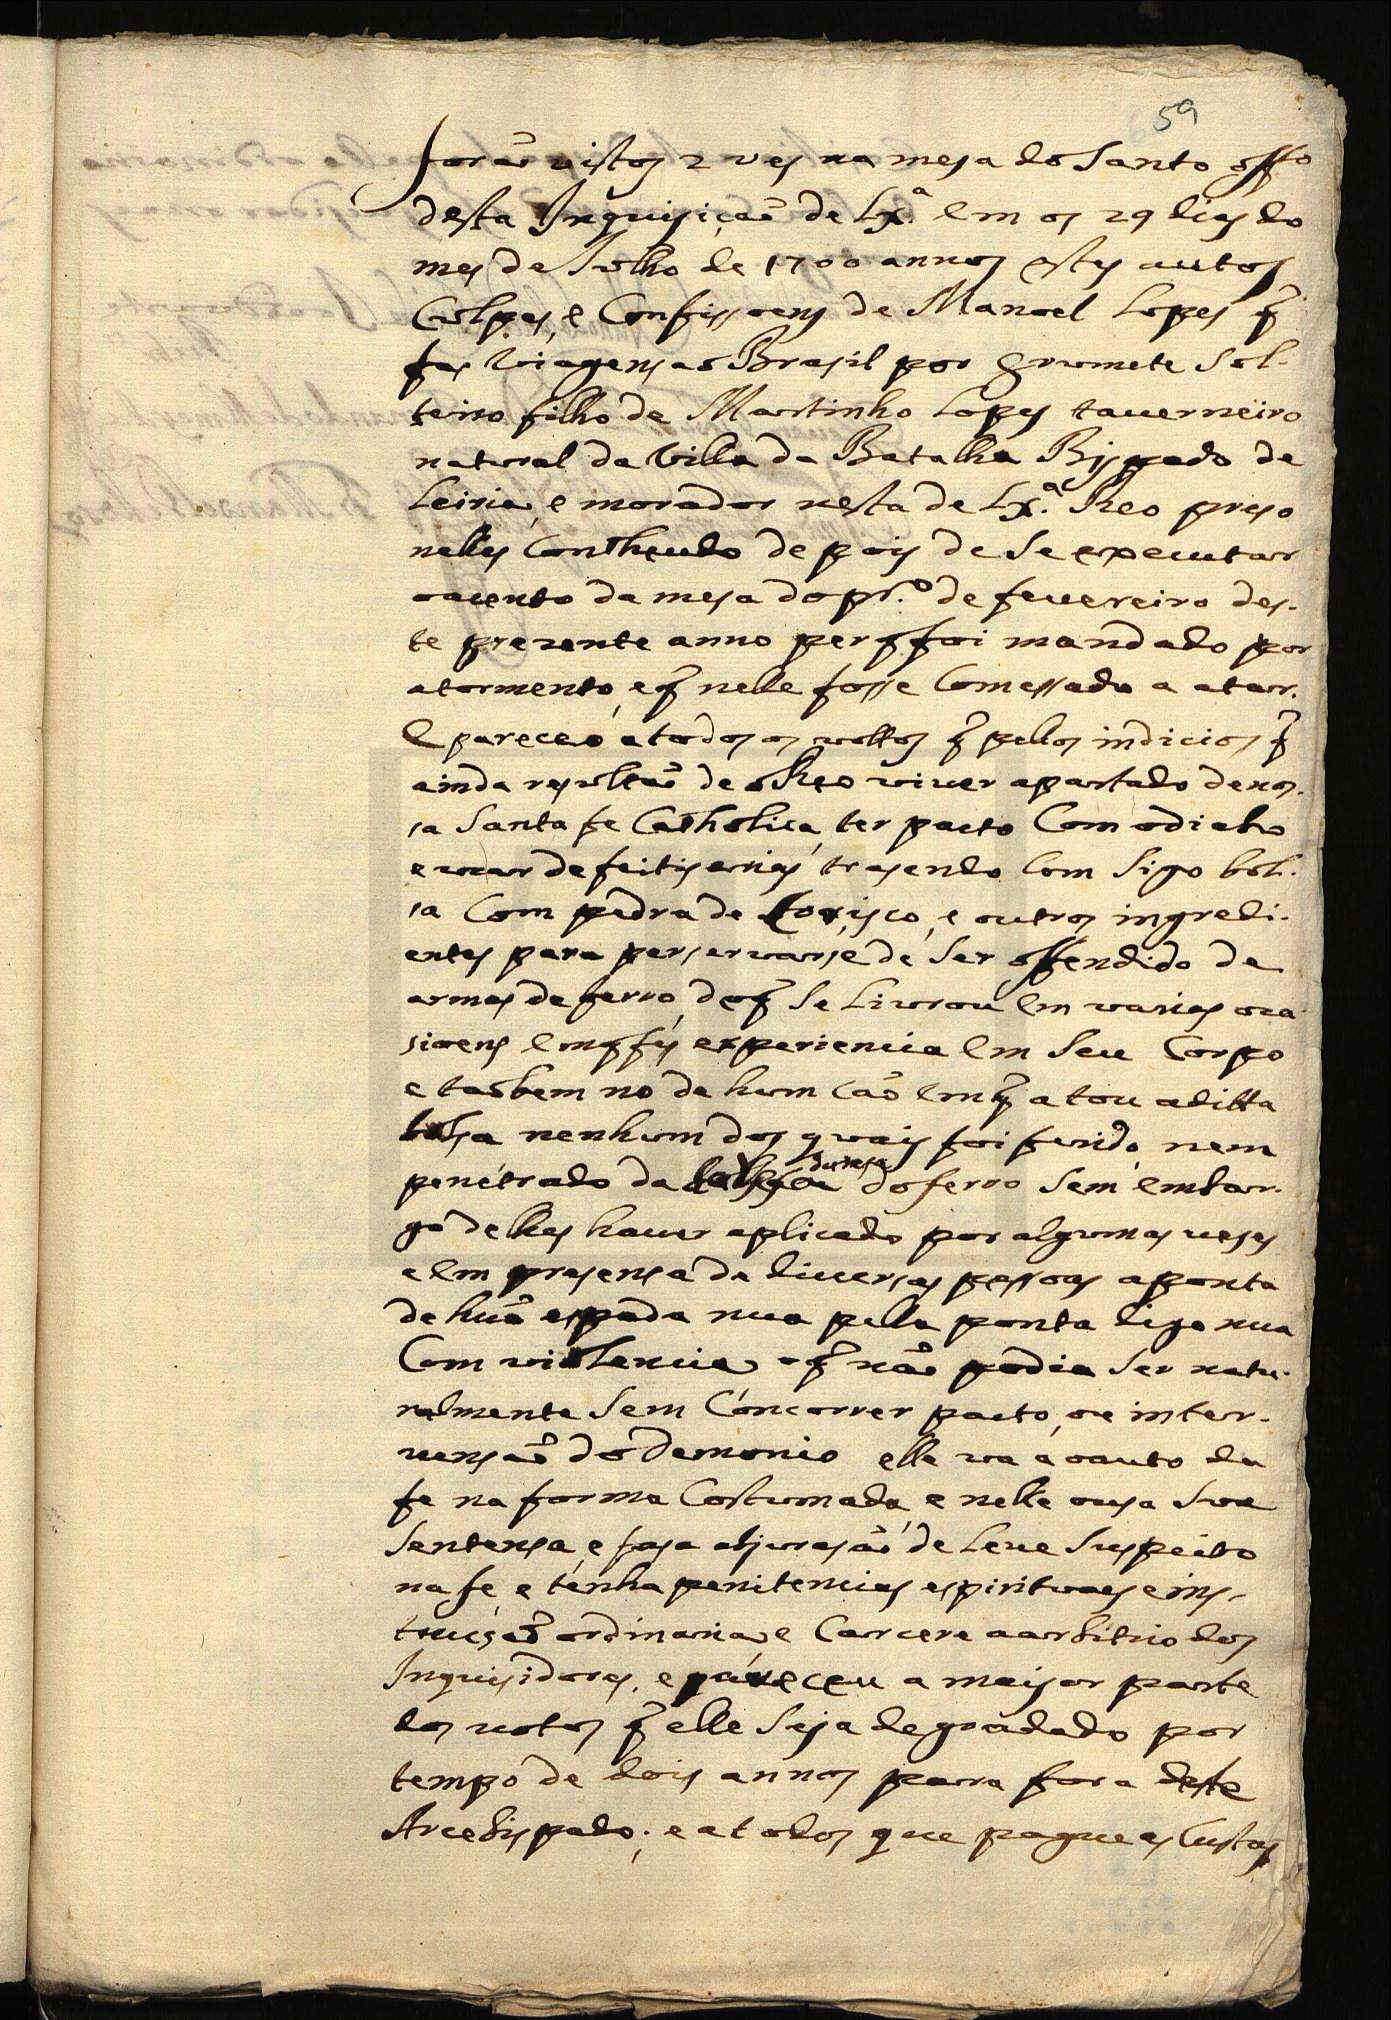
foraõ uistos 2 ues na mesa do Santo offo
desta Jnquisiçaõ de Lx.a em os 29 dias do
mes de Iulho de 1700 annos estes autos
Culpas, e Confissoens de Manoel Lopes q̄
fas viagens ao Brasil por grumete sol
teiro filho de Martinho Lopes tauerneiro
natural da Villa da Batalha Bispado de
Leiria, e morador nesta de Lx.a Reo preso
nelles contheudo depois de se executar
o acento da mesa do pr.o de feuereiro des
te prezente anno per q̄ foi mandado por
a tormento, e q̄ nelle fosse Comessado a atar.
E pareceo a todos os uottos q̄ pellos indicios q̄
ainda resultaõ de o Reo uiuer apartado de nos
sa Santa fe Catholica, ter pacto Com o diabo
e uzar de feitisarias trasendo Comsigo bol
sa Com pedra de Corisco, e outros ingredi
entes para perseruarse de ser offendido de
armas de ferro, de q̄ se livrou em varias oca
sioens em q̄ fes experiencia em Seu Corpo
e taõbem no de hum caõ em q̄ atou a ditta
bolsa nenhum dos quais foi ferido, nem
penetrado da __l_sa
duresa
do ferro sem embar
go de lhes hauer aplicado por algumas ueses
e em presensa de diuersas pessoas a ponta
de huā espada nua pella ponta digo nua
Com violencia, o q̄ naõ podia ser natu
ralmente sem Concorrer pacto, ou inter
uensaõ do demonio elle va ao auto da
fe na forma Costumada, e nelle ousa sua
sentensa, e fasa abjurasaõ de leue suspeito
na fe, e tenha penitencias espirituaes e ins
truçaõ ordinaria, e Carcere a arbitrio dos
Jnquisidores, e pareceu a mayor parte
dos uotos q̄ elle seja degradado por
tempo de dois annos para fora deste
Arcebispado; e a todos que pague as Custas
